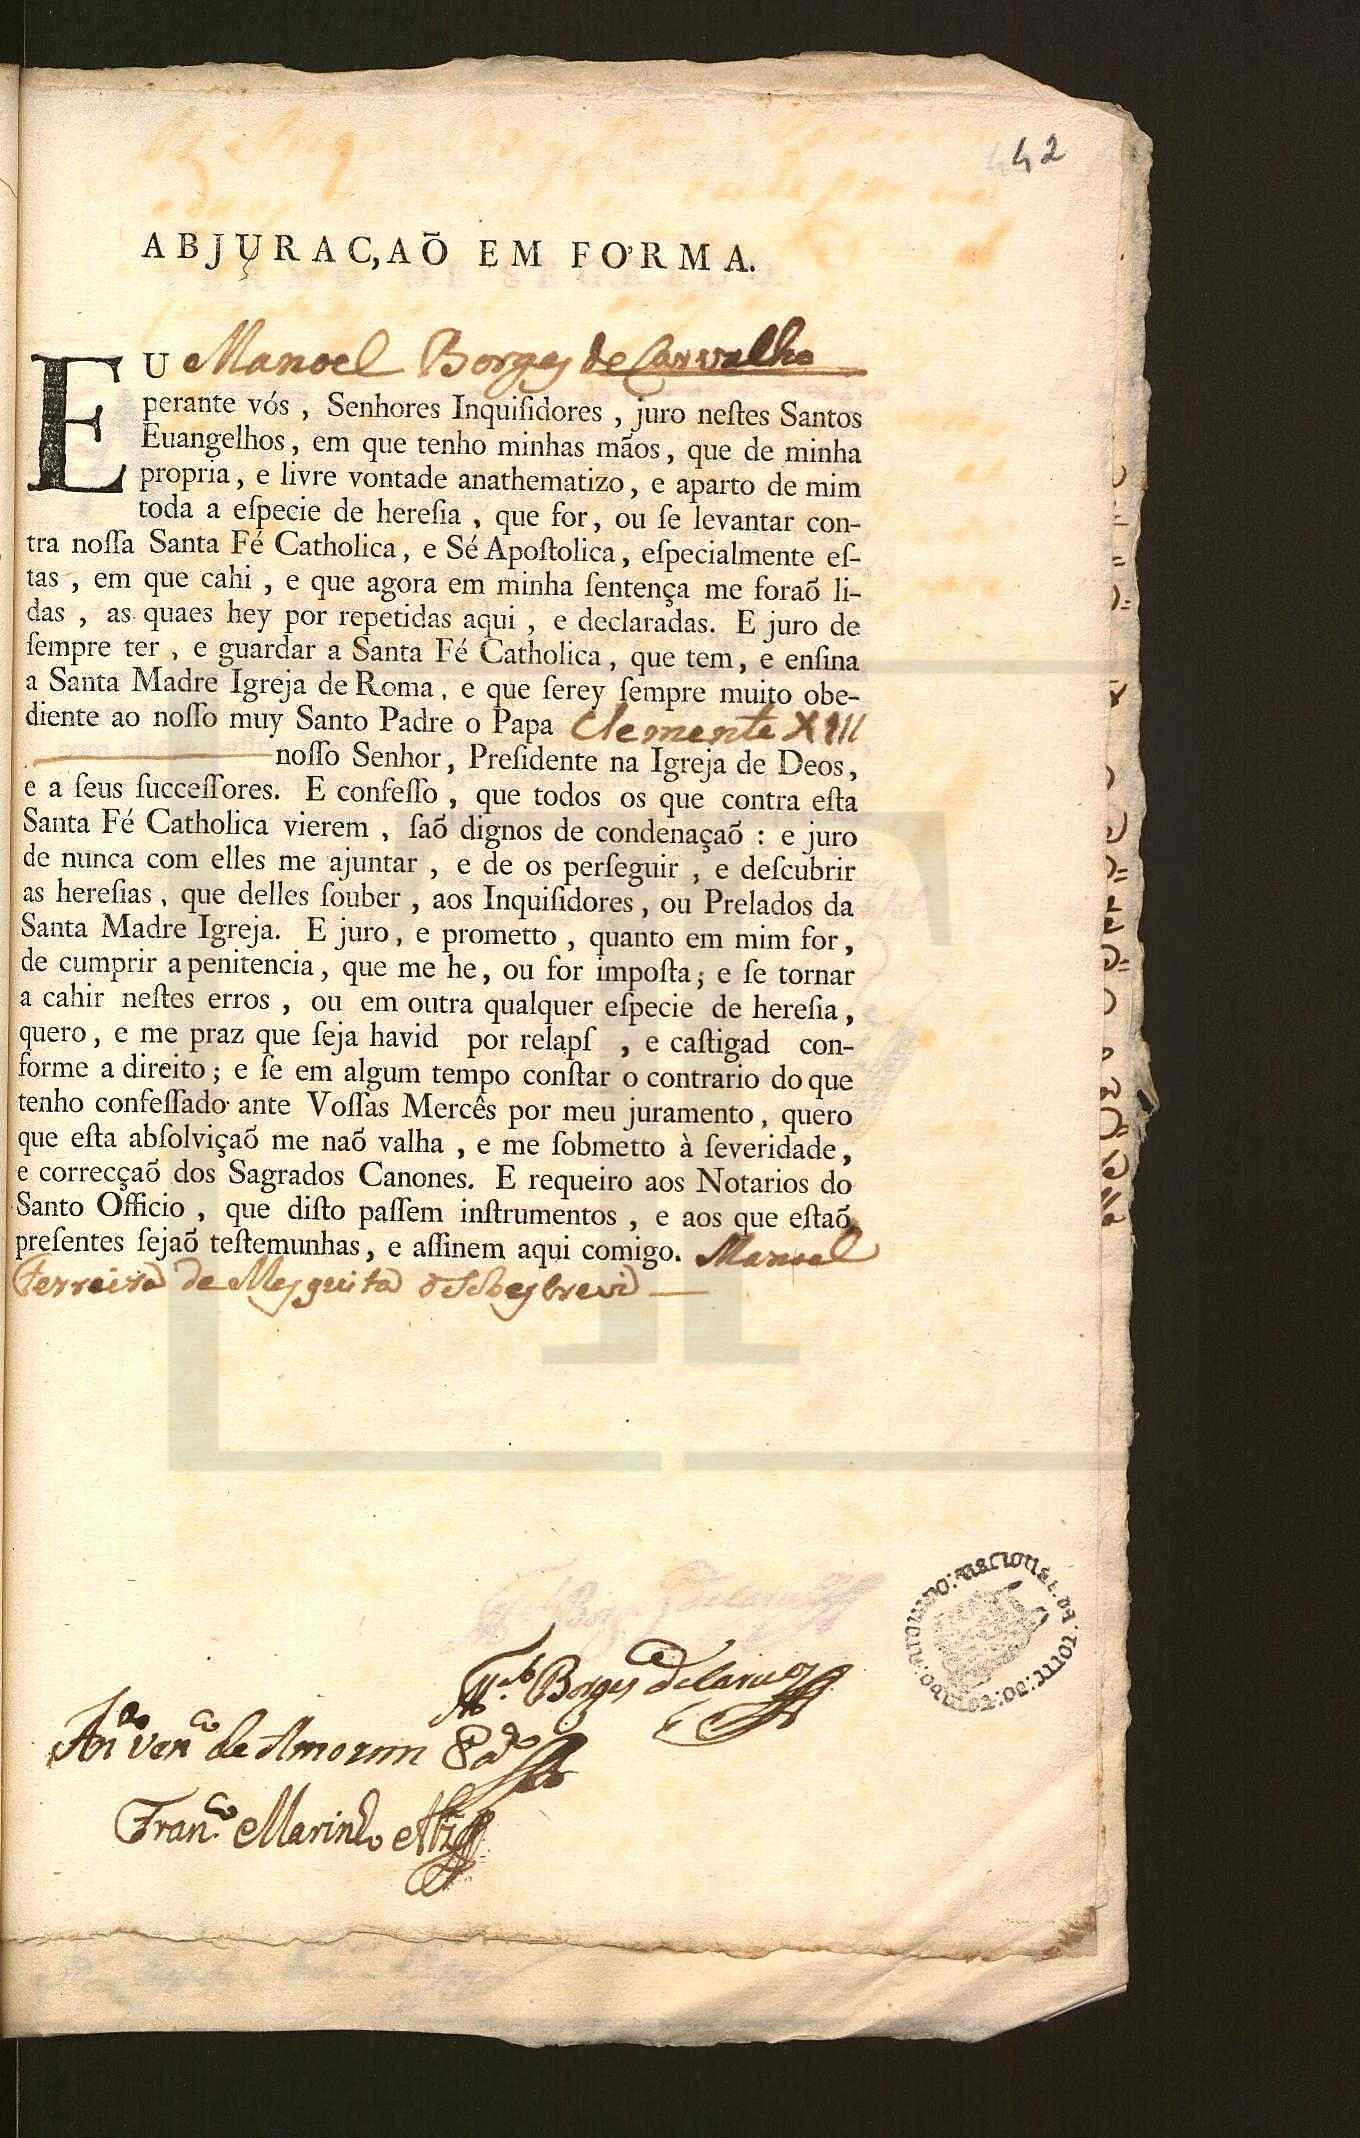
ABJURAÇAÕ EM FÓRMA.
EU Manoel Borges de Carvalho
perante vós, Senhores Inquisidores, juro nestes Santos
Euangelhos, em que tenho minhas mãos, que de minha
propria, e livre vontade anathematizo, e aparto de mim
toda a especie de heresia, que for, ou se levantar con
tra nossa Santa Fé Catholica, e Sé Apostolica, especialmente es
tas, em que cahi, e que agora em minha sentença me foraõ li
das, as quaes hey por repetidas aqui, e declaradas. E juro de
sempre ter, e guardar a Santa Fé Catholica, que tem, e ensina
a Santa Madre lgreja de Roma, e que serey sempre muito obe
diente ao nosso muy Santo Padre o Papa Clemente XIII
nosso Senhor, Presidente na Igreja de Deos,
e a seus successores. E confesso, que todos os que contra esta
Santa Fé Catholica vierem, saõ dignos de condenaçaõ: e juro
de nunca com elles me ajuntar, e de os perseguir, e descubrir
as heresias, que delles souber, aos Inquisidores, ou Prelados da
Santa Madre Igreja. E juro, e prometto, quanto em mim for
de cumprir a penitencia, que me he, ou for imposta; e se tornar
cahir nestes erros, ou em outra qualquer especie de heresia,
quero, e me praz que seja havid por relaps , e castigad con
forme a direito; e se em algum tempo constar o contrario do que
tenho confessado ante Vossas Mercês por meu juramento, quero
que esta absolviçaõ me naõ valha, e me sobmetto à severidade,
e correcçaõ dos Sagrados Canones. E requeiro aos Notarios do
Santo Officio, que disto passem instrumentos, e aos que estaõ
presentes sejaõ testemunhas, e assinem aqui comigo. Manoel
Ferreira de Mesquita o sobscrevi
Fr.co Borges de Caruo
Anto venco de Amorim
Franco Marinho Alz
